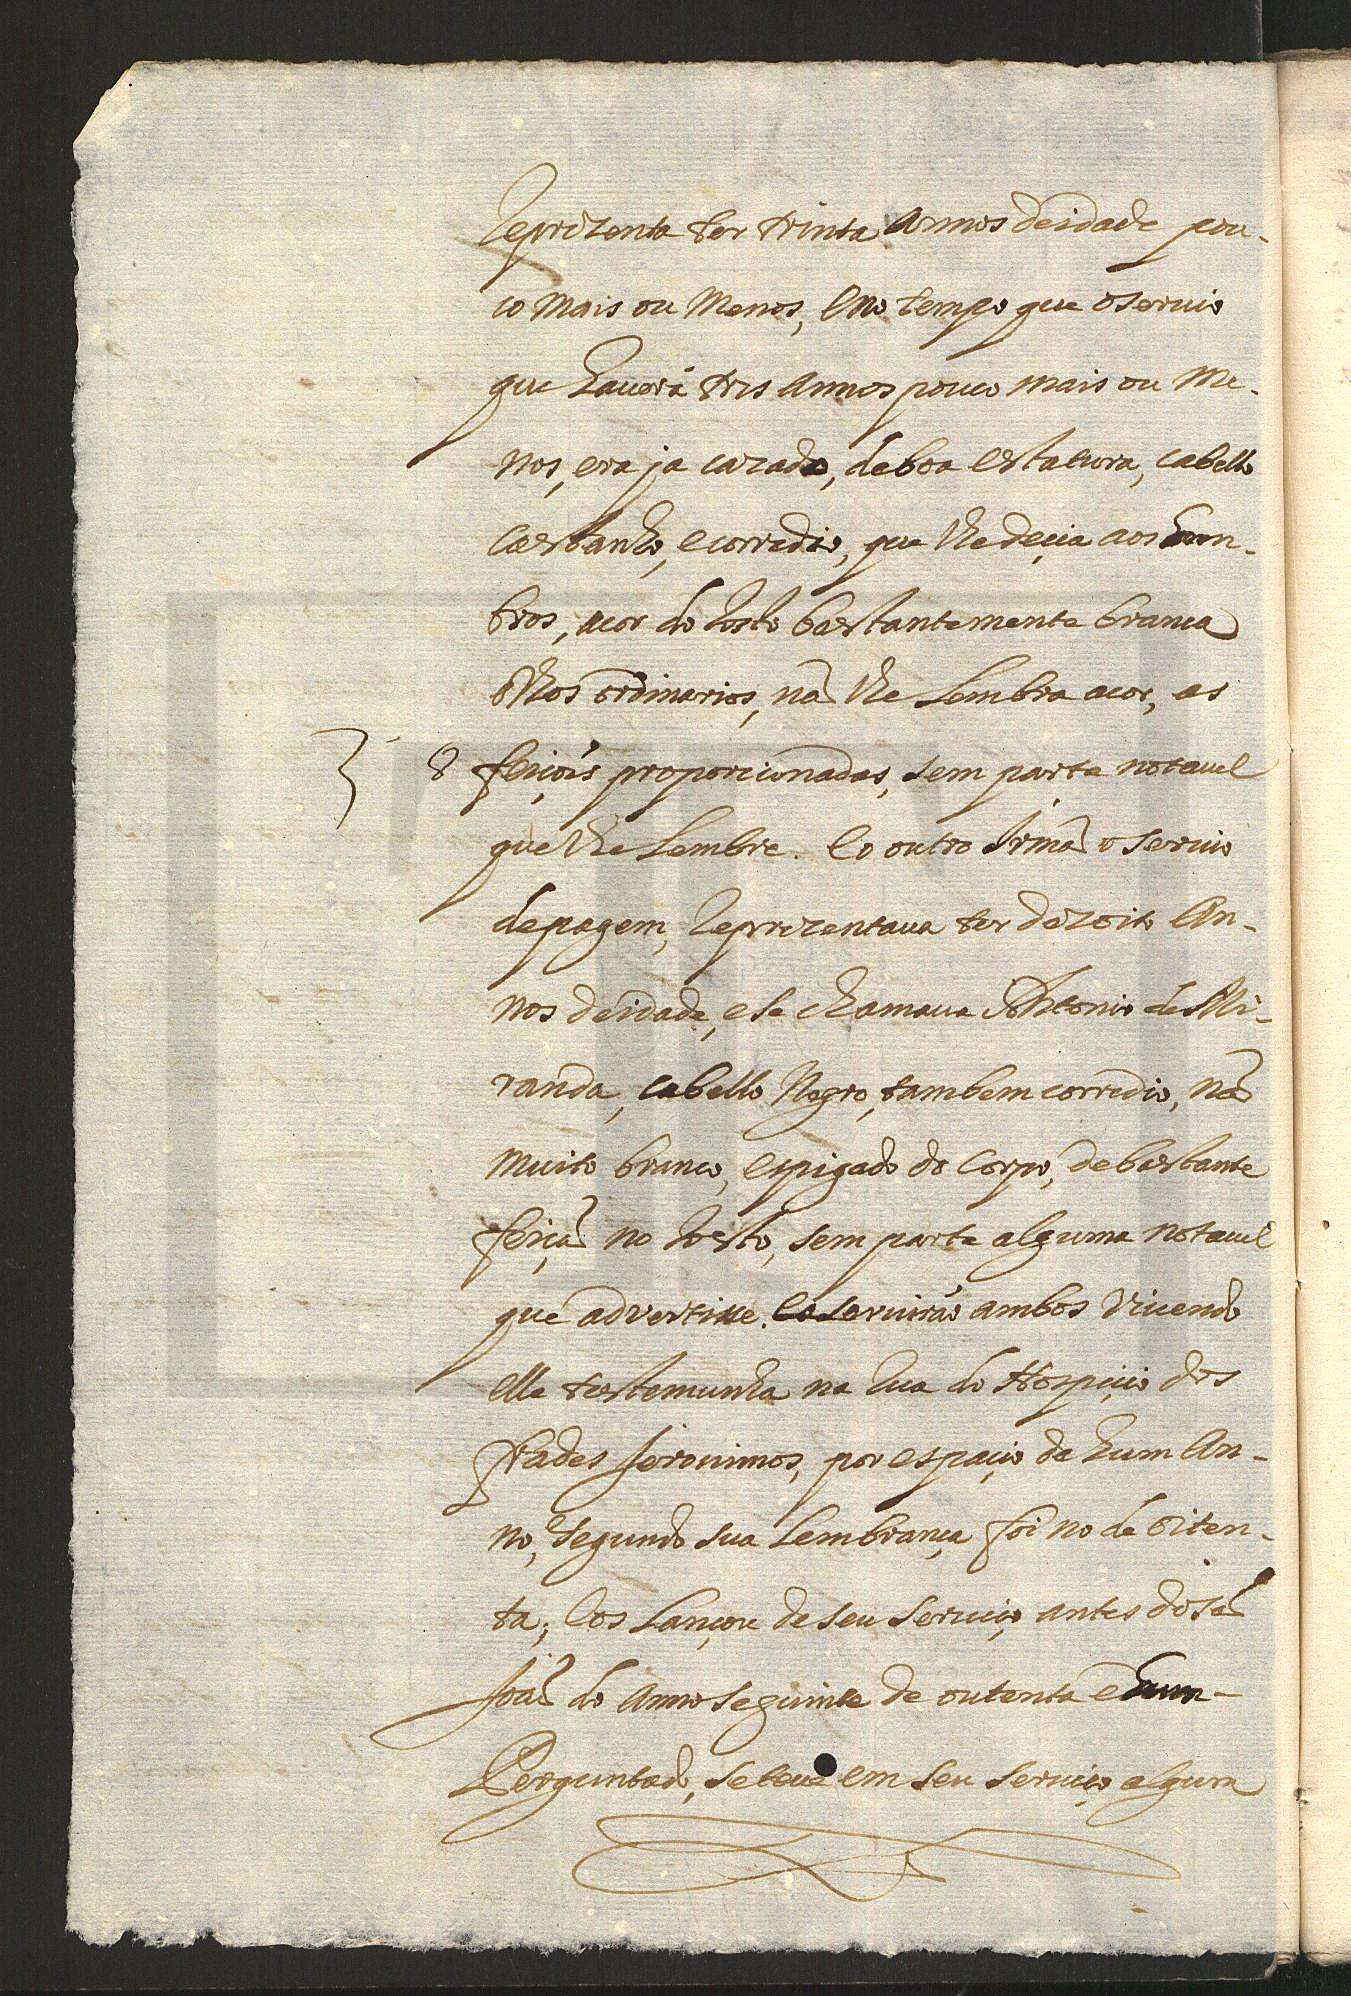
Reprezenta ter trinta annos de idade pou
co mais ou menos, e no tempo que o seruio
que hauerá tres annos pouco mais ou me
nos, era ja cazado, de boa estatura, cabello
castanho, e corredio, que lhe deçia aos hom
bros, a cor do Rosto bastantemente branca
olhos ordinarios, naõ lhe Lembra a cor, as
feiçoēs proporcionadas, sem parte notauel
que lhe Lembre. E o outro Irmaõ o seruio
de pagem, Reprezentaua ter dezoito an
nos de idade, e se chamaua Antonio de Mi
randa, cabello Negro, tambem corredio, naõ
muito branco, espigado do corpo, de bastante
feiçaõ no Rosto, sem parte alguma notauel
que advertisse. e o seruiraõ ambos viuendo
elle testemunha na Rua do Hospiçio dos
frades Jeronimos, por espaçio de hum an
no, e segundo sua lembrança foi no de oiten
ta; e os lançou de seu seruiço antes do saõ
Joaõ do anno seguinte de outenta e hum
Perguntado, se teue em seu seruiço algum
